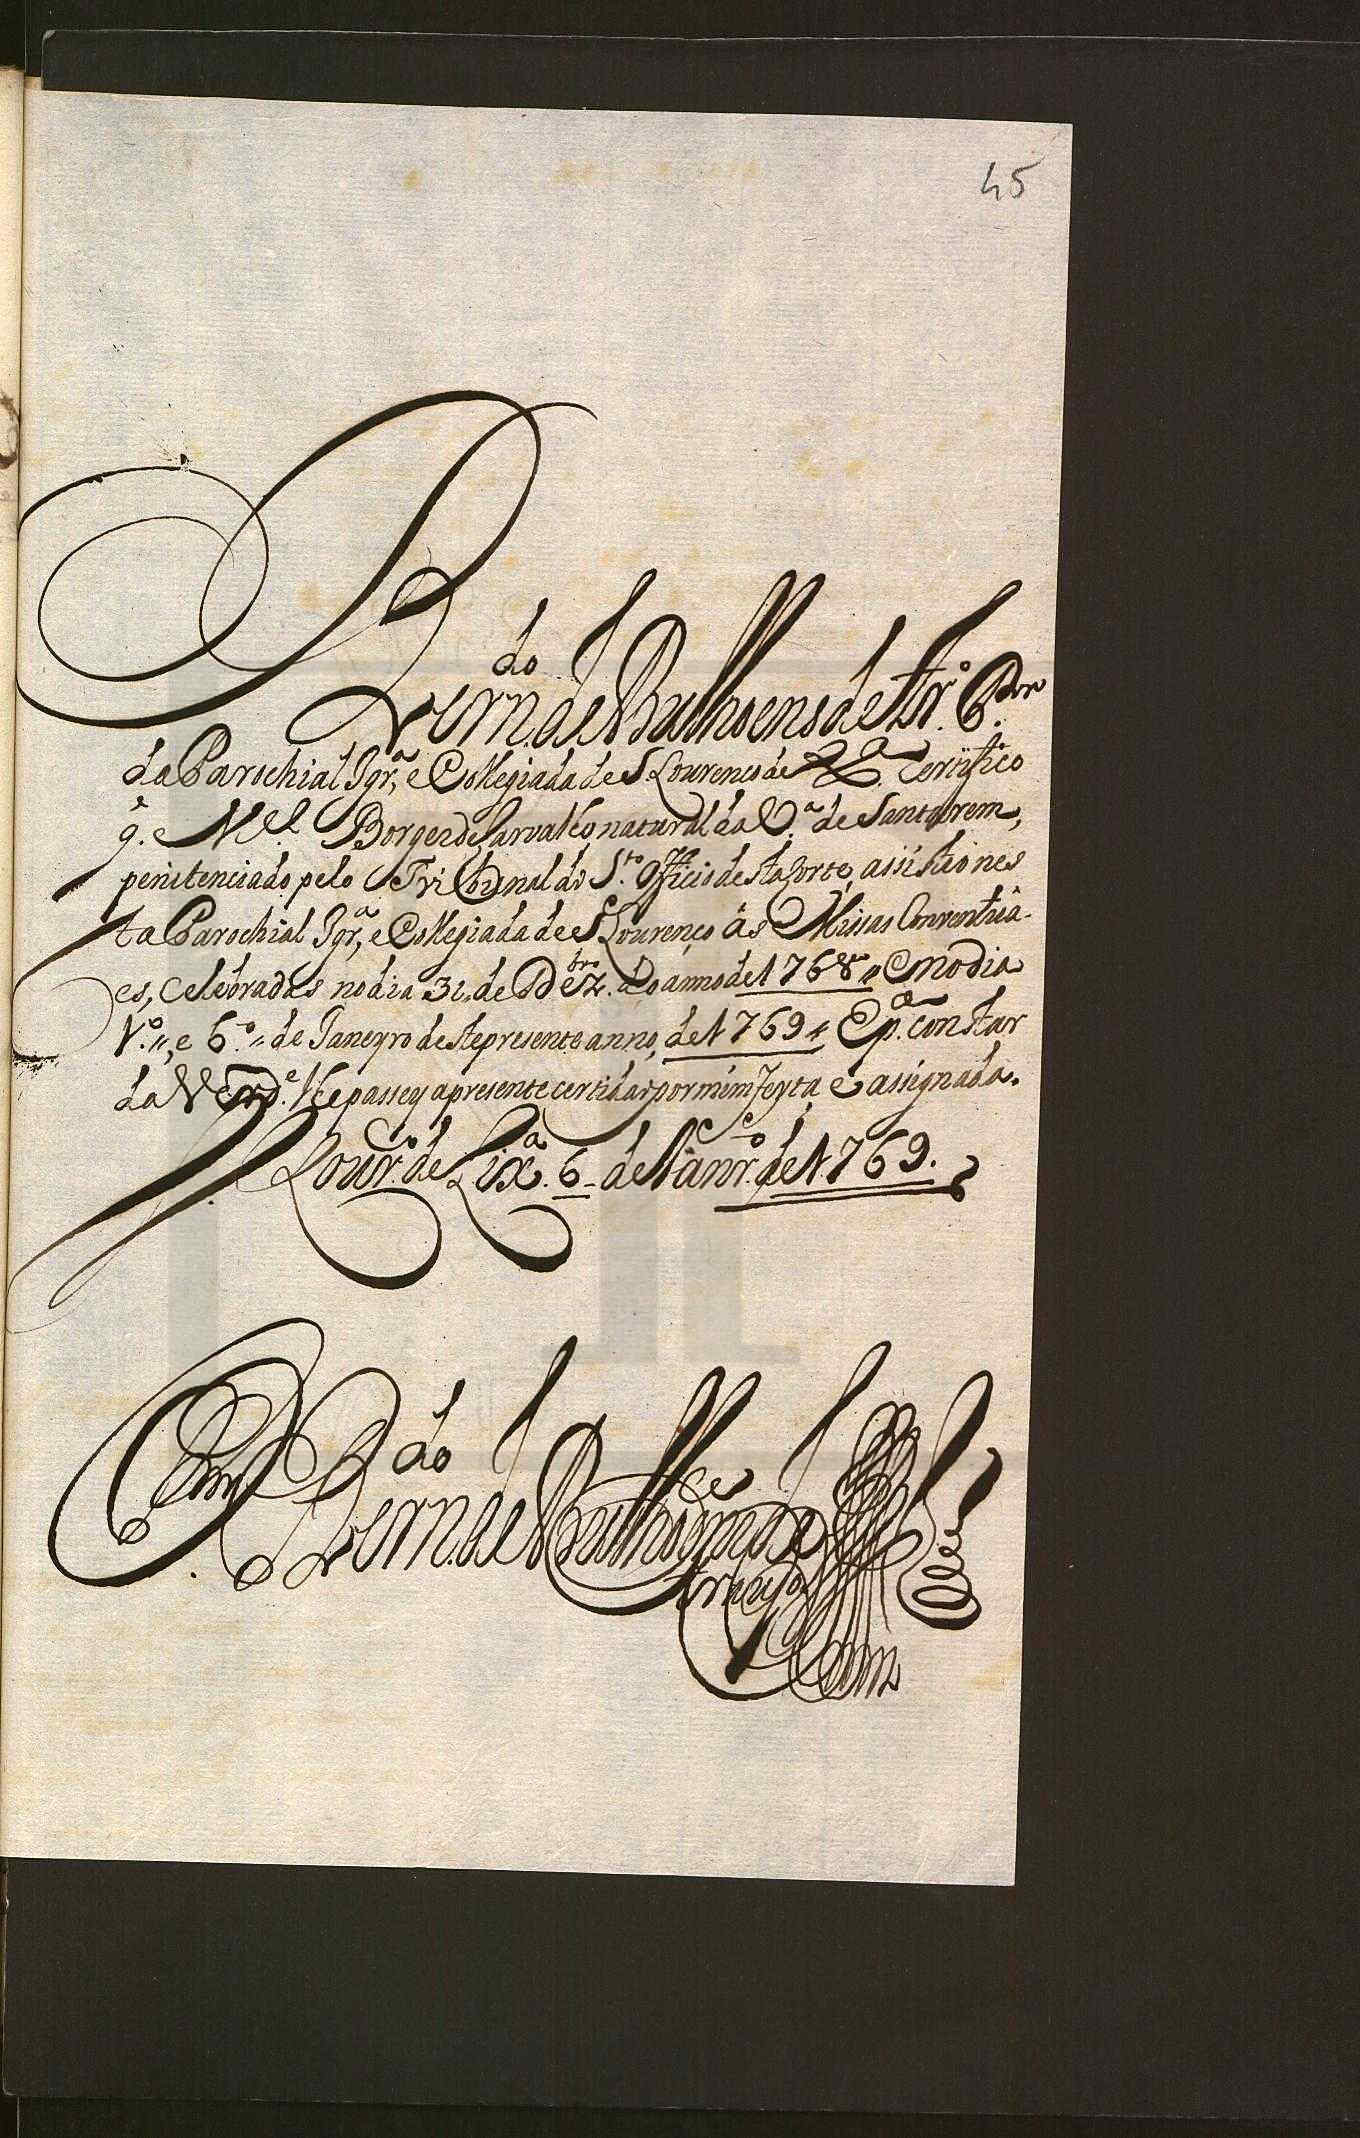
Brern.do de Bulhoens de Ar.o P.or
da Parochial Igr,a e Collegiada de S. Lourenço de Lx.a certifico
q̄ M.el Borges de Carvalho, natural da V.a de Santarem,
penitenciado pelo Tribunal do S.to Officio desta Corte, assistio nes
ta Parochial Igr,a Collegiada de S Lourenço ás Missas Conventuâ
es, Celebradas no dia 31 de Dez.bro do anno de 1768// e no dia
1.o//, e 6.o// de Ianeyro deste presente anno, de 1769// E p.a constar
da Verd.e lhe passey a presente certidao por mim Feyta, e assignada.
S. Lour.co de Lix.a 6 de Janr.o de 1769.
O Brern.do de Bulhoens de
Araujo
